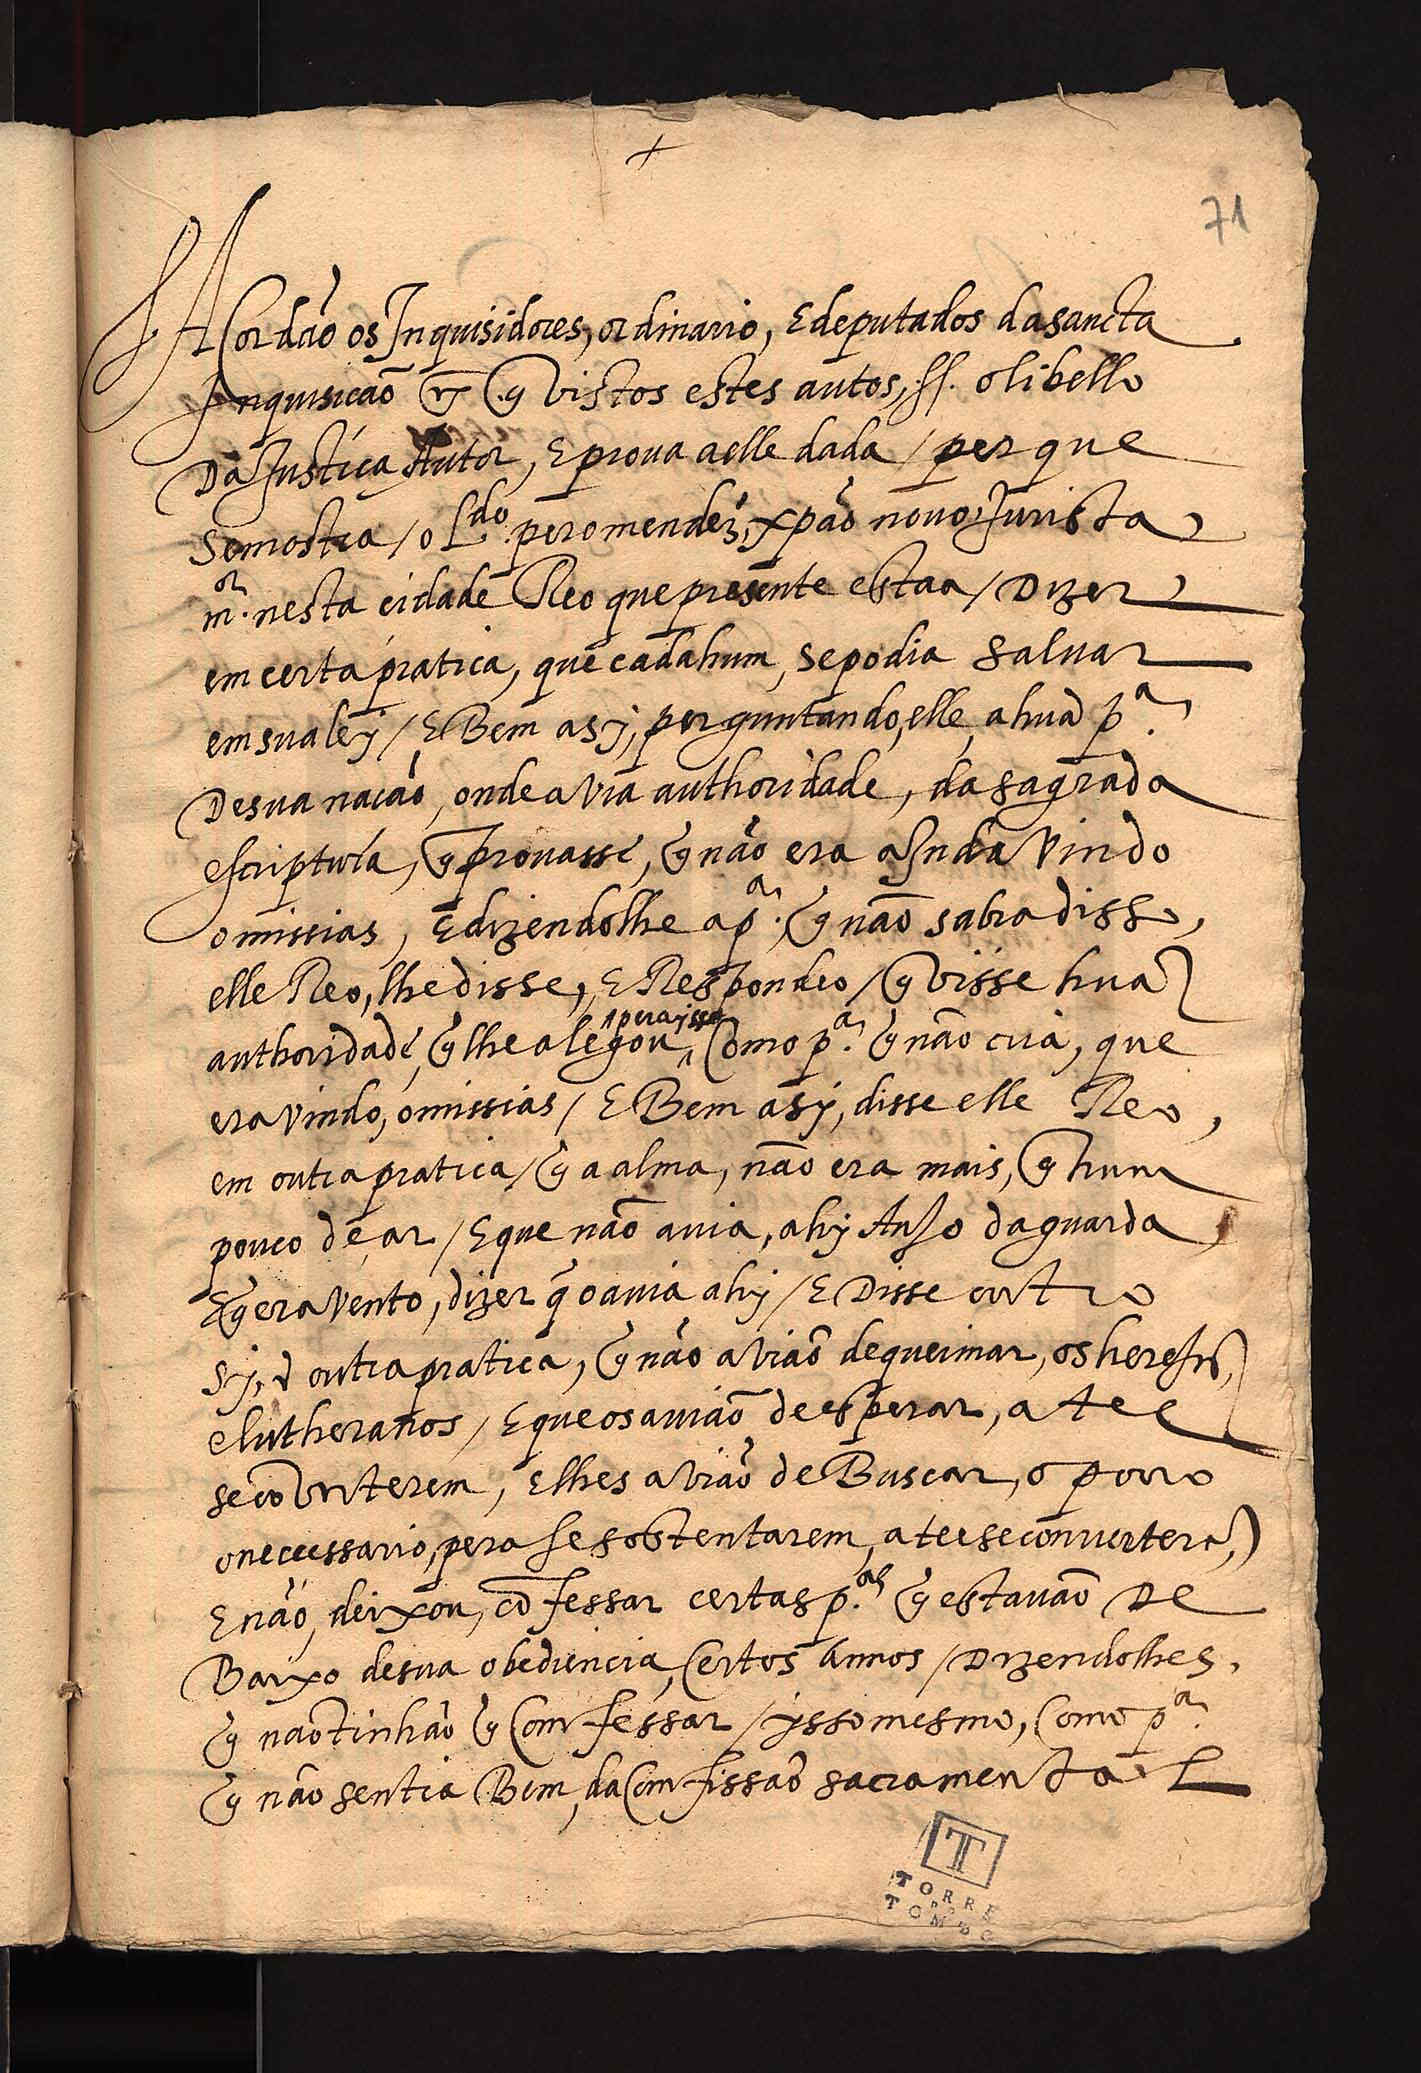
ACordão os Jnquisidores, ordinario, E deputados da sancta
Jnquisição c̄ꝭ q̅ vistos estes autos, .ss. o libello
Da Justiça Autor, E proua a elle dada / per que
se mostra / o L.do pero mendez̅, xpaõ nouo, Jurista,
mor. nesta çidade Reo que presente estaa / Dizer,
em certa pratica, que cada hum, se podia saluar
em sua ley / E Bem asj, perguntando, elle, a huā pa.
De sua nação, onde avia authoridade, da sagrada
escriptura, q̅ provasse, q̅ não era aJnda vindo
o missias, E dizendolhe a pa. q̅ não sabia disso,
elle Reo, lhe disse, E Respondeo / q̅ visse huā
authoridade, q̅ alegou
pera ysso
Como pa. q̅ não cria, que
era vindo, o missias / E Bem asy, disse elle Reo,
em outra pratica / q̅ a alma, não era mais, q̅ hum
pouco de ar / E que não auia, ahy Anjo da guarda
E q̅ era vento, dizer q̅ o auia ahy / E Disse outro
sy, e̅ outra pratica, q̅ não aviaõ de queimar, os hereJes,
e lutheranos / E que os auião de esperar, atee
se c̅overterem, E lhes avião de Buscar, o pouo
o neçeessario, pera se sostentarem, atee se converterē,
E não, deixou, co̅fessar certas p.as q̅ estauão De
Baixo de sua obediencia, Certos annos / Dizendolhes,
q̅ não tinhão q̅ Comfessar / ysso mesmo, Como pa.
q̅ não sentia Bem, da Comfissaõ sacramentaL
